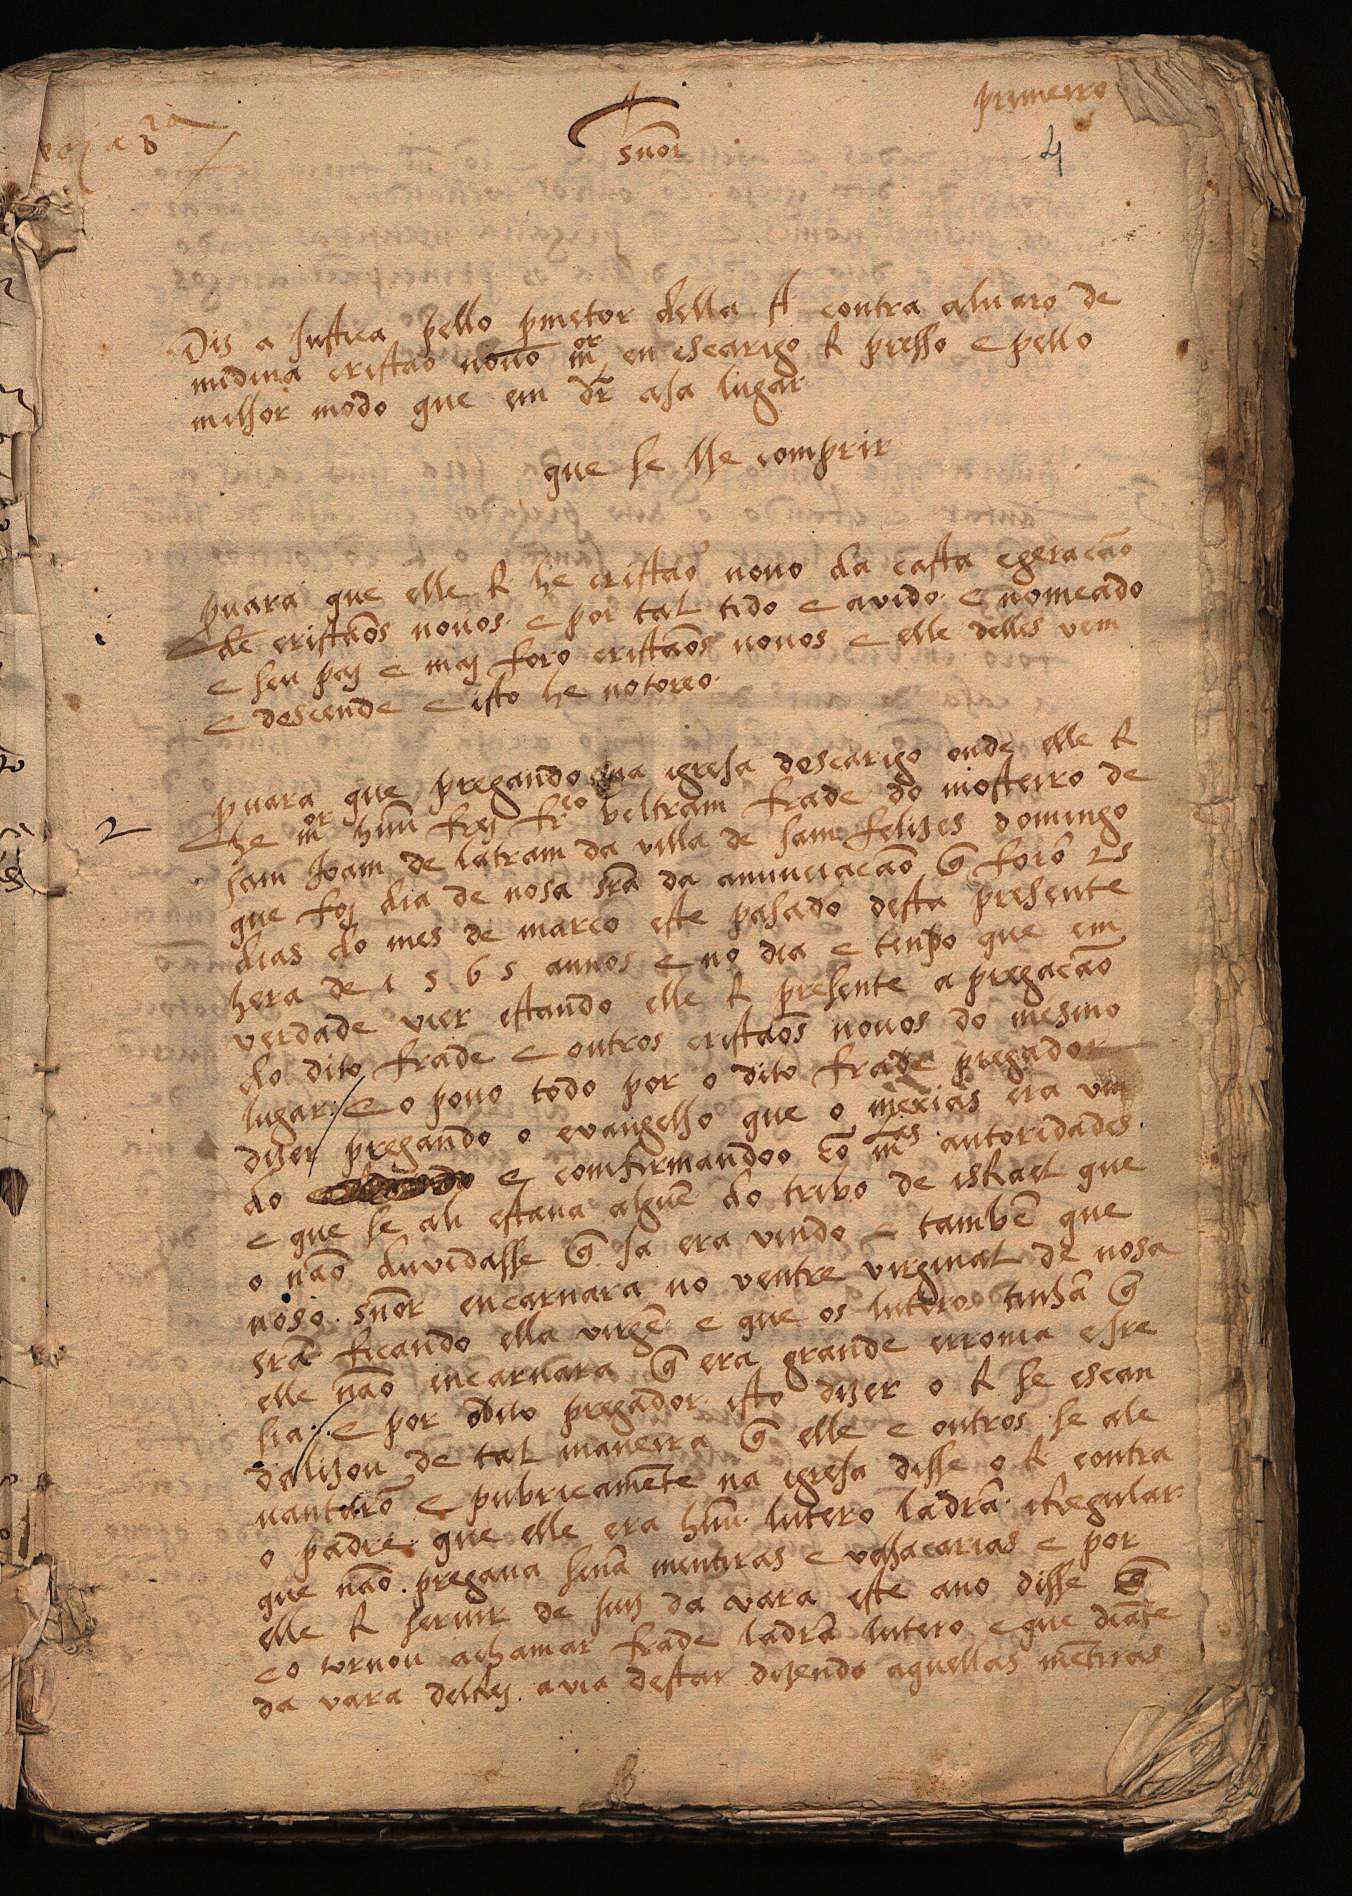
primeiro
snōr
Dis a Justica pello ꝓmetor della A contra aluaro de
medina cristão nouo mor en escarigo R presso e pello
milhor modo que em drto aJa lugar
que se lhe comprir
ꝓuara que elle R he cristaõ nouo da casta e geracão
de cristãos nouos. e por tal tido e avido e nomeado
e seu pay e maj foro cristãos nouos E elle delles vem
e descende e isto he notoreo.
ꝓuara que pregando na igreJa descarigo onde elle R
he mor huū frej frco beltram frade do mosteiro de
sam Joam de latram da villa de sam felizes domingo
que foj dia de nosa sr̄a da anunciacão q̄ forō 25
dias do mes de marco este pasado desta presente
hera de 1565 annos e no dia e tenpo que em
verdade vier estando elle R presente a pregacaõ
do dito frade e outros cristaõs nouos do mesmo
lugar e o pouo todo por o dito frade pregador
dizer pregando o evangelho que o mexias era vin
do _ e comfermandoo cō mtas autoridades.
e que se ali Estaua alguē do tribo de isRael que
o não duvidasse q̄ Ja era vindo e tambē que
noso sn̄or encarnara no ventre virginaL de nosa
srā ficando ella virgē e que os luteros tinhā q̄
elle não encarnara q̄ era grande erronia e Jre
sia ./. E por o dito pregador isto dizer o R se escan
dalizou de tal maneira q̄ elle e outros se ale
uantarō e pubricamēte na igreJa disse o R contra
o padre que elle era huū lutero ladrā. iRegular
que não pregaua senā mentiras e velhacarias e por
elle R seruir de Juis da vara este ano disse _
e o tornou a chamar frade ladrā lutero e que diāte
da vara del Rej avia destar dizendo aquellas mētiras
